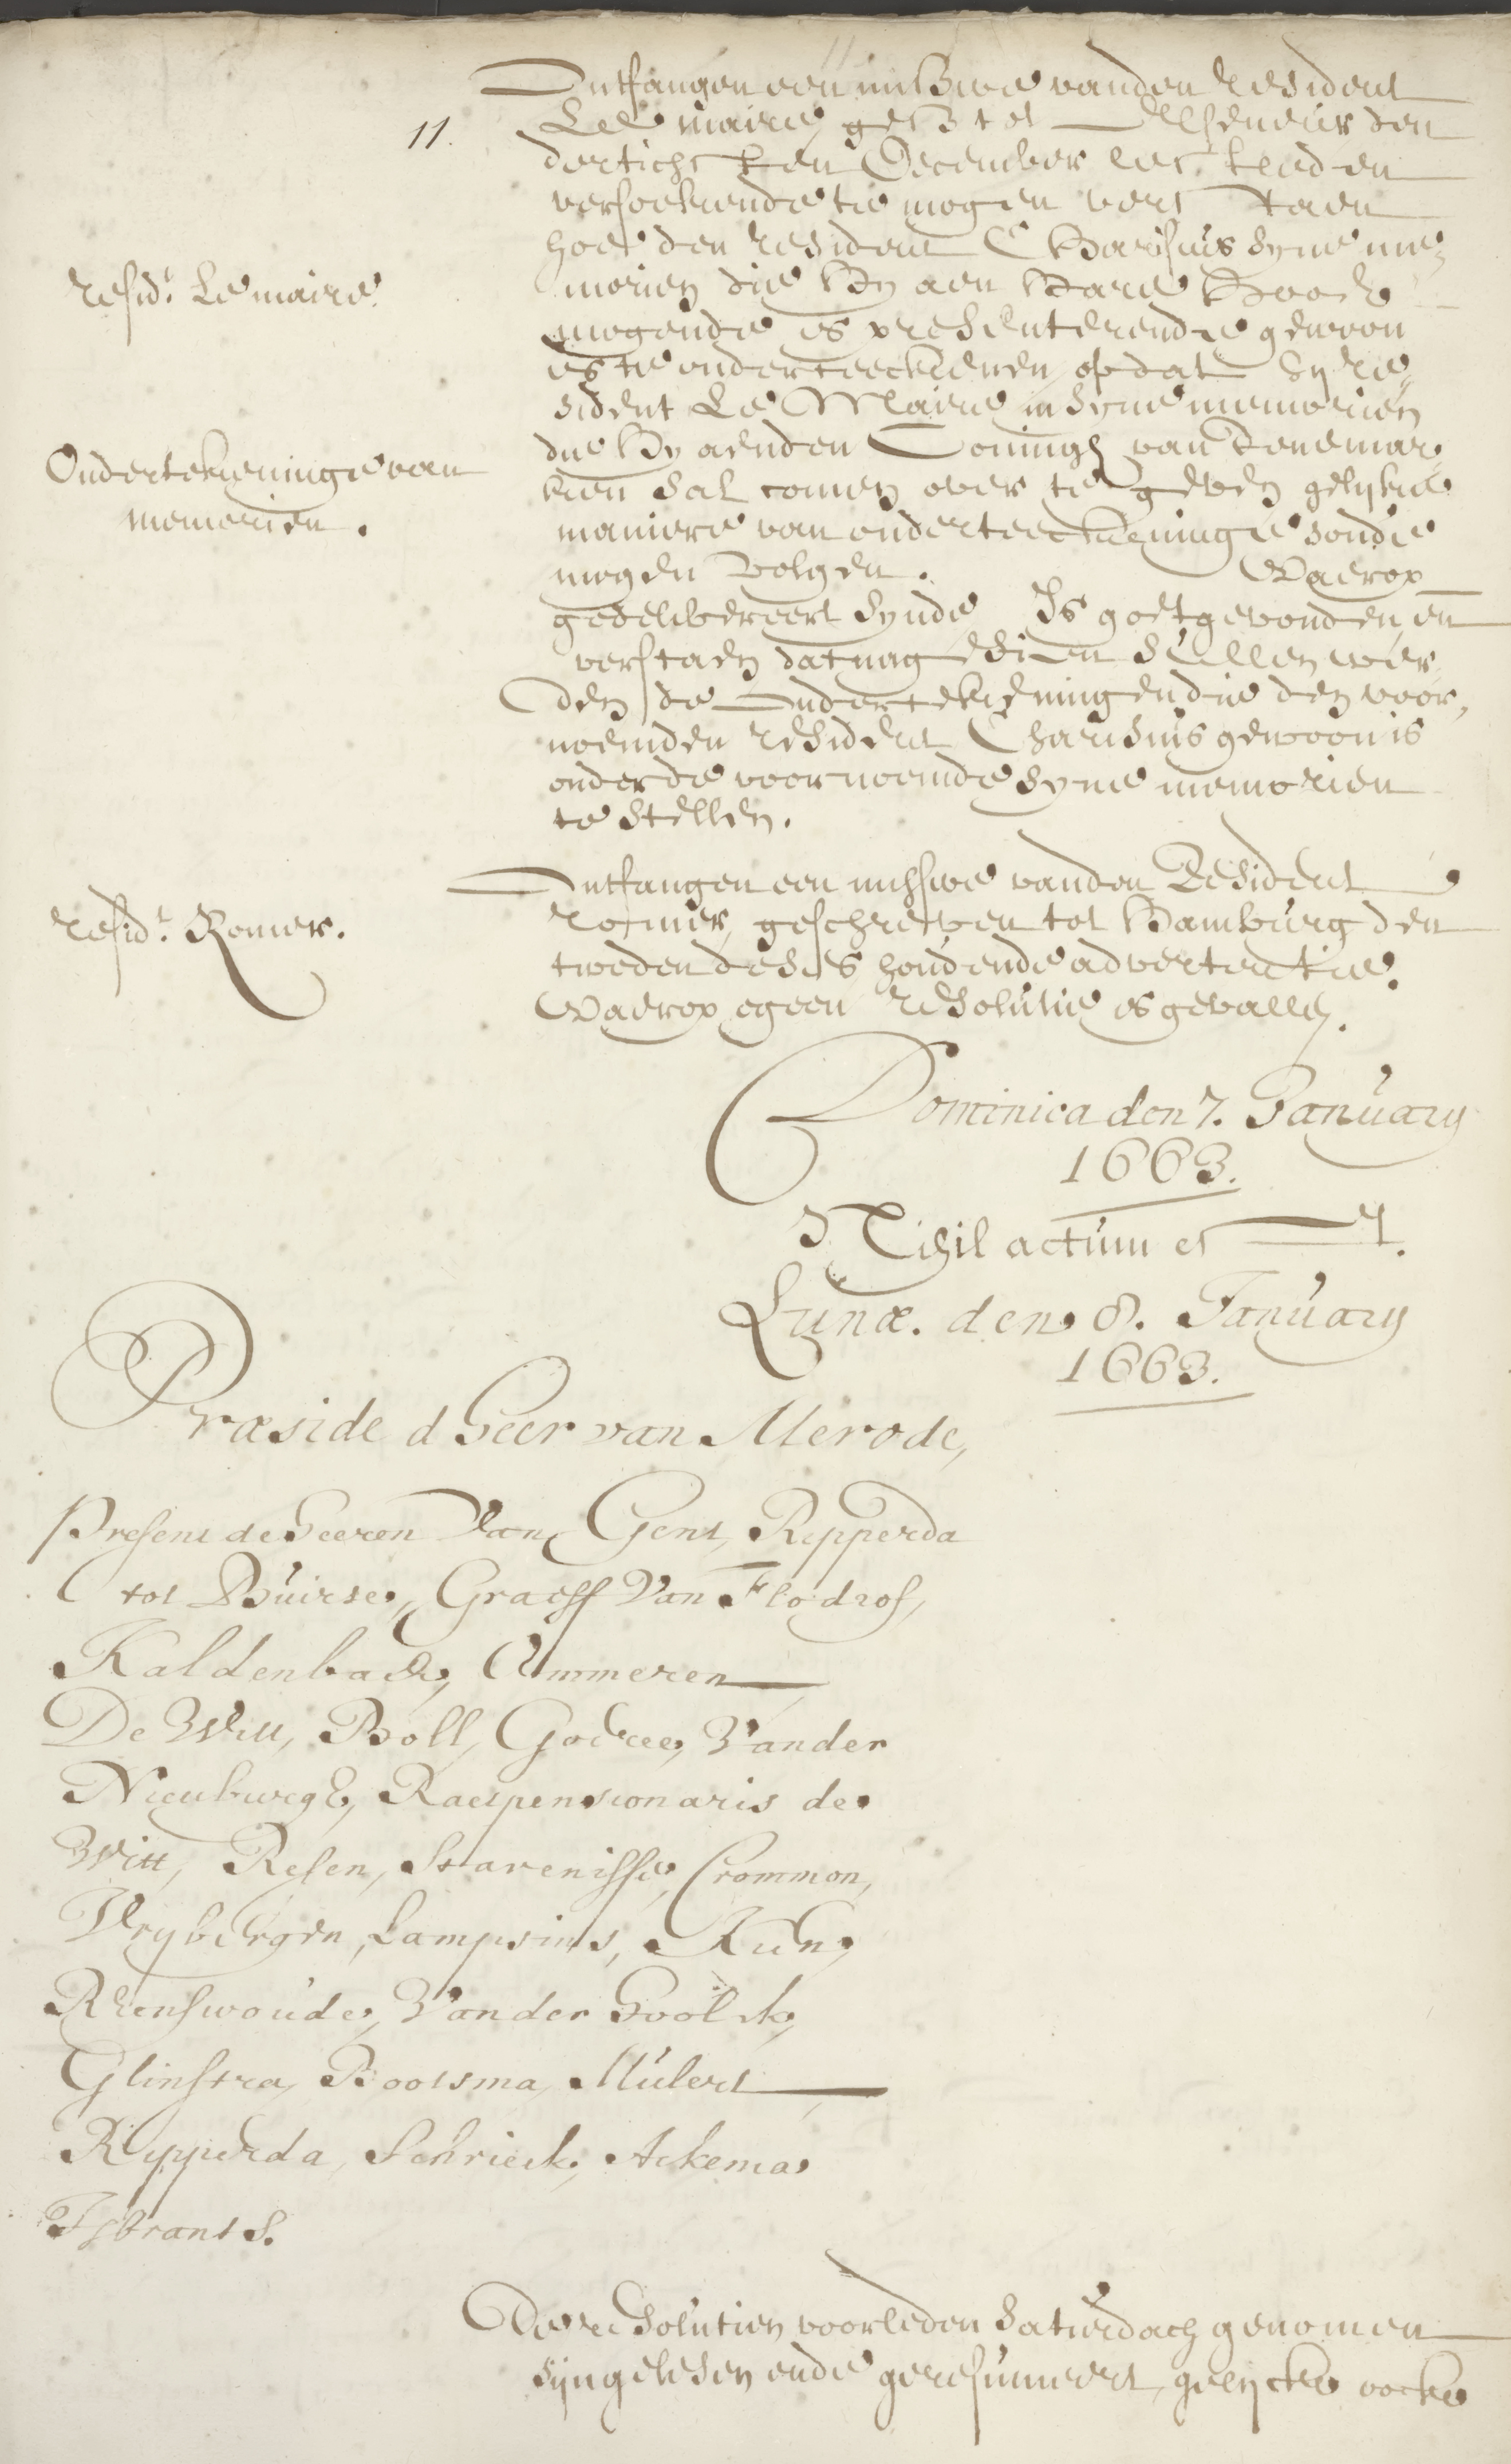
11.
residt Le maire
Ondertekeninge van
memorien
Ontfangen een missive vanden resident
Le maire ges tot Elseneur den
dertichsten December lestleden
versoekende te mogen verstaen
hoe den resident Charisius syne me„
morien die hij aen hare Hooch
mogende is presenterende gewoon
is te onderteeckenen opdat hy re,,
sident Le Maire in syne memorien
die hij aenden Coningh van Denemar„
ken sal connen over te geven gelyke
maniere van onderteeckeninge soude
mogen volgen. Waerop
gedelibereert sijnde, is goetgevondenen en
verstaen dat nagesien sullen wer,
den de Ondertekeningen die den voor„
noemden resident Charisuis gewoon is
onder de voornoemde syne memorien
te stellen.
residt. Romer,
Ontfangen een missive vanden Resident
Romer, geschreven tot Hamburg den
tweden deses houdende advertentie
Waerop egeen resolutie is gevallen.
Dominica den 7. January
1663.
Nihil actum est
Liunæ. den 8. Januarij
1663.
Præside d heer van Merode,
Present de Heren Van Gent, Ripperda
tot Buirse, Graeff Van Flodrof,
Kaldenbach, Ommeren
De Witt, Boll Goeree, Vander
Nieuburgh, Raetpensionaris de
Witt, Resen, Stavenisse, Crommon,
Vrybergen, Lampsins, Kan,
Rhenswoude, van der Hoolck
Glinstra, Bootsma, Mulert
Ripperda, Schrieck, Ackema
Isbrants.
De resolutien voorleden saturdach genomen
sijn gelesen ende geresumeert, gelijcke oock
